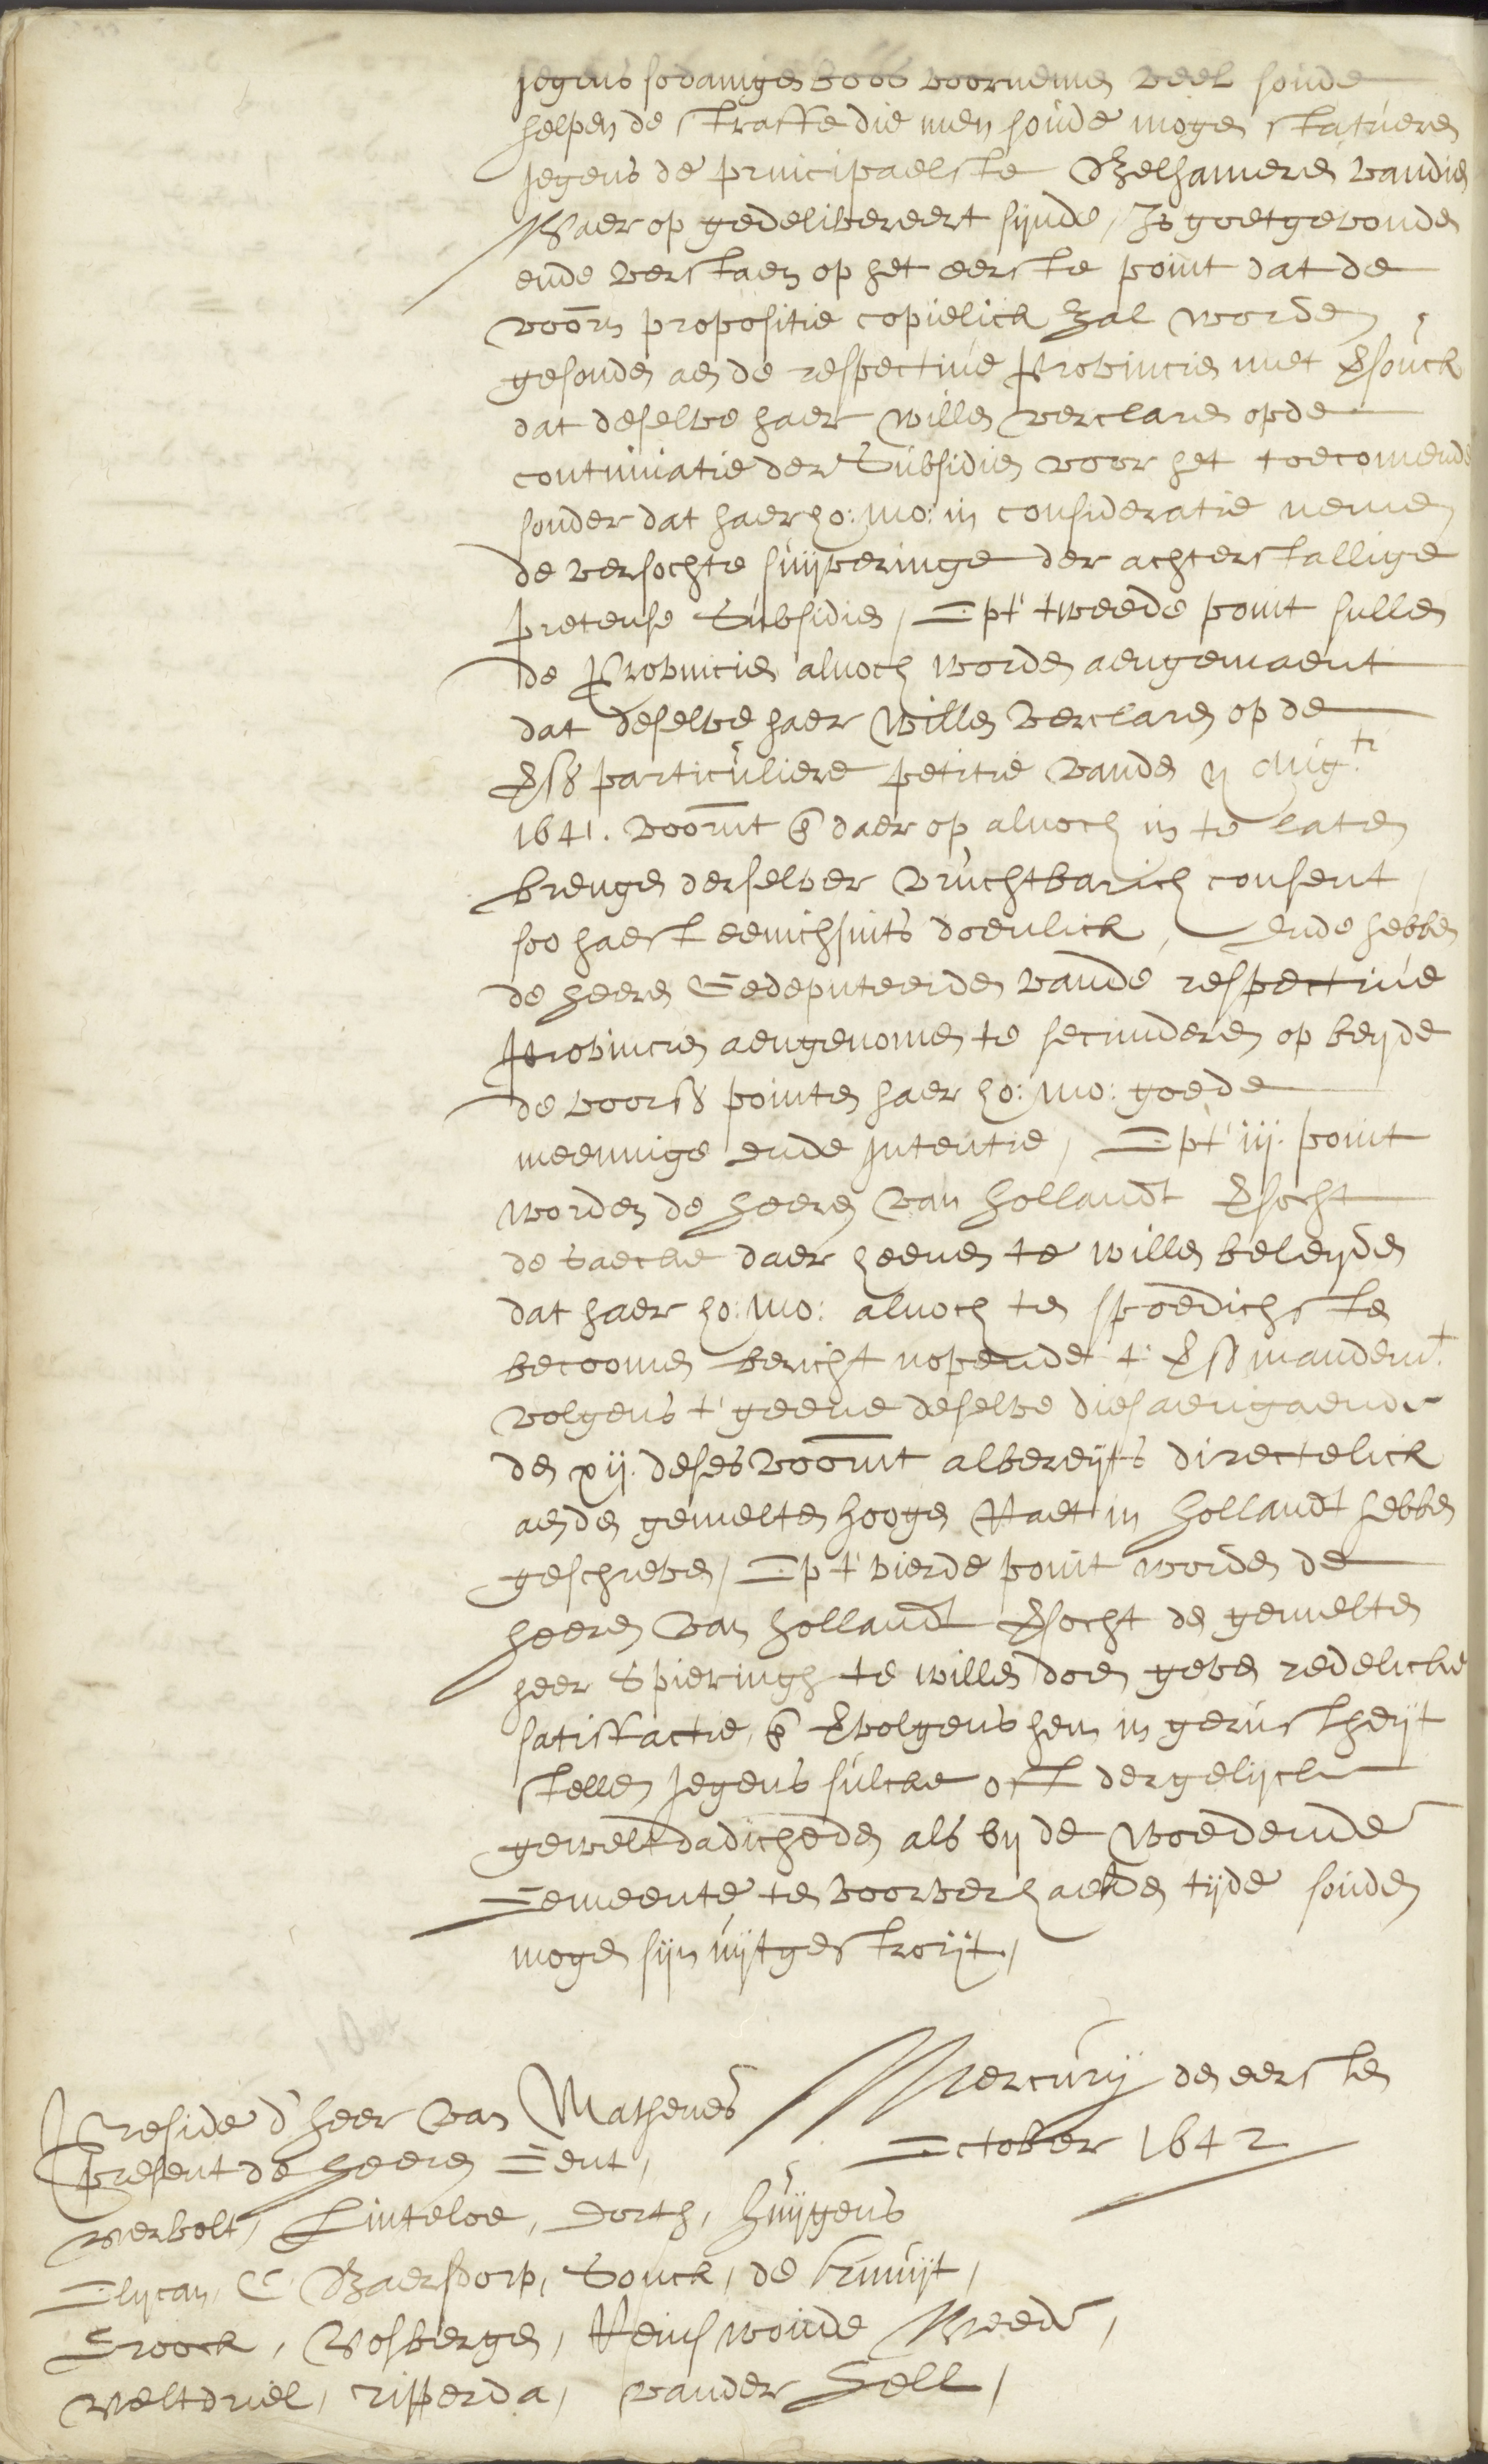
jegens sodanigen boos voornemen veel soude
helpen de straffe die men soude mogen statueren
jegens de principaelste Belhameren vandien
Waerop gedelibereert sijnde, Is goetgevonden
ende verstaen op het eerste point dat de
voorn propositie copielick zal worden
gesonden aen de respectiue Provincien met vsouck
dat deselve haer willen verclaren opde
continuatie der Subsidien voor het toecomende
sonder dat haer ho:Mo: in consideratie nemen
de versochte suijveringe der achterstallige
pretense Subsidien, Opt' tweede point sullen
de Provincien alnoch worden aengemaent
dat deselve haer willen verclaren op de
vs particuliere petitie vanden ij augti
1641. voornt & daer op alnoch in te laten
brengen derselver vruchtbarich consent
soo haest eenichsints doenlick. Ende hebben
de heeren Gedeputeerden vande respectiue
Provincien aengenomen te secunderen op beyde
de voors pointen haer ho:Mo: goede
meeninge ende intentie, Opt iij. point
worden de heeren van Hollandt vsocht
de saecke daer heenen te willen beleyden
dat haer ho:Mo: alnoch ten spoedichsten
becoomen bericht nopende t' vs mandemt
volgens t'geene deselve dies aengaende
den xij deses voornt albereijts directelick
aen den gemelten hoogen Raet in Hollandt hebben
geschreven. Opt' vierde point worden de
heeren van hollandt vsocht den gemelten
heer Spieringh te willen doen geven redelicke
satisfactie, & vvolgens hem in gerustheijt
stellen Jegens sulcke off dergelijck
geweltdadicheden als by de woedende
Gemeente ten voorverhaelden tijde souden
mogen sijn uijtgestroijt.
Mercurij den eersten
October 1642
Peside d'heer van Mathenes
Present de heeren Gent,
Verbolt, Linteloe, Dorth, Huijgens
Olycan, C. Baersdorp, Sonck, de Knuijt,
Croock, Vosbergen, Reinswoude Weede,
Veltdriel, ripperda, vander Hell,
